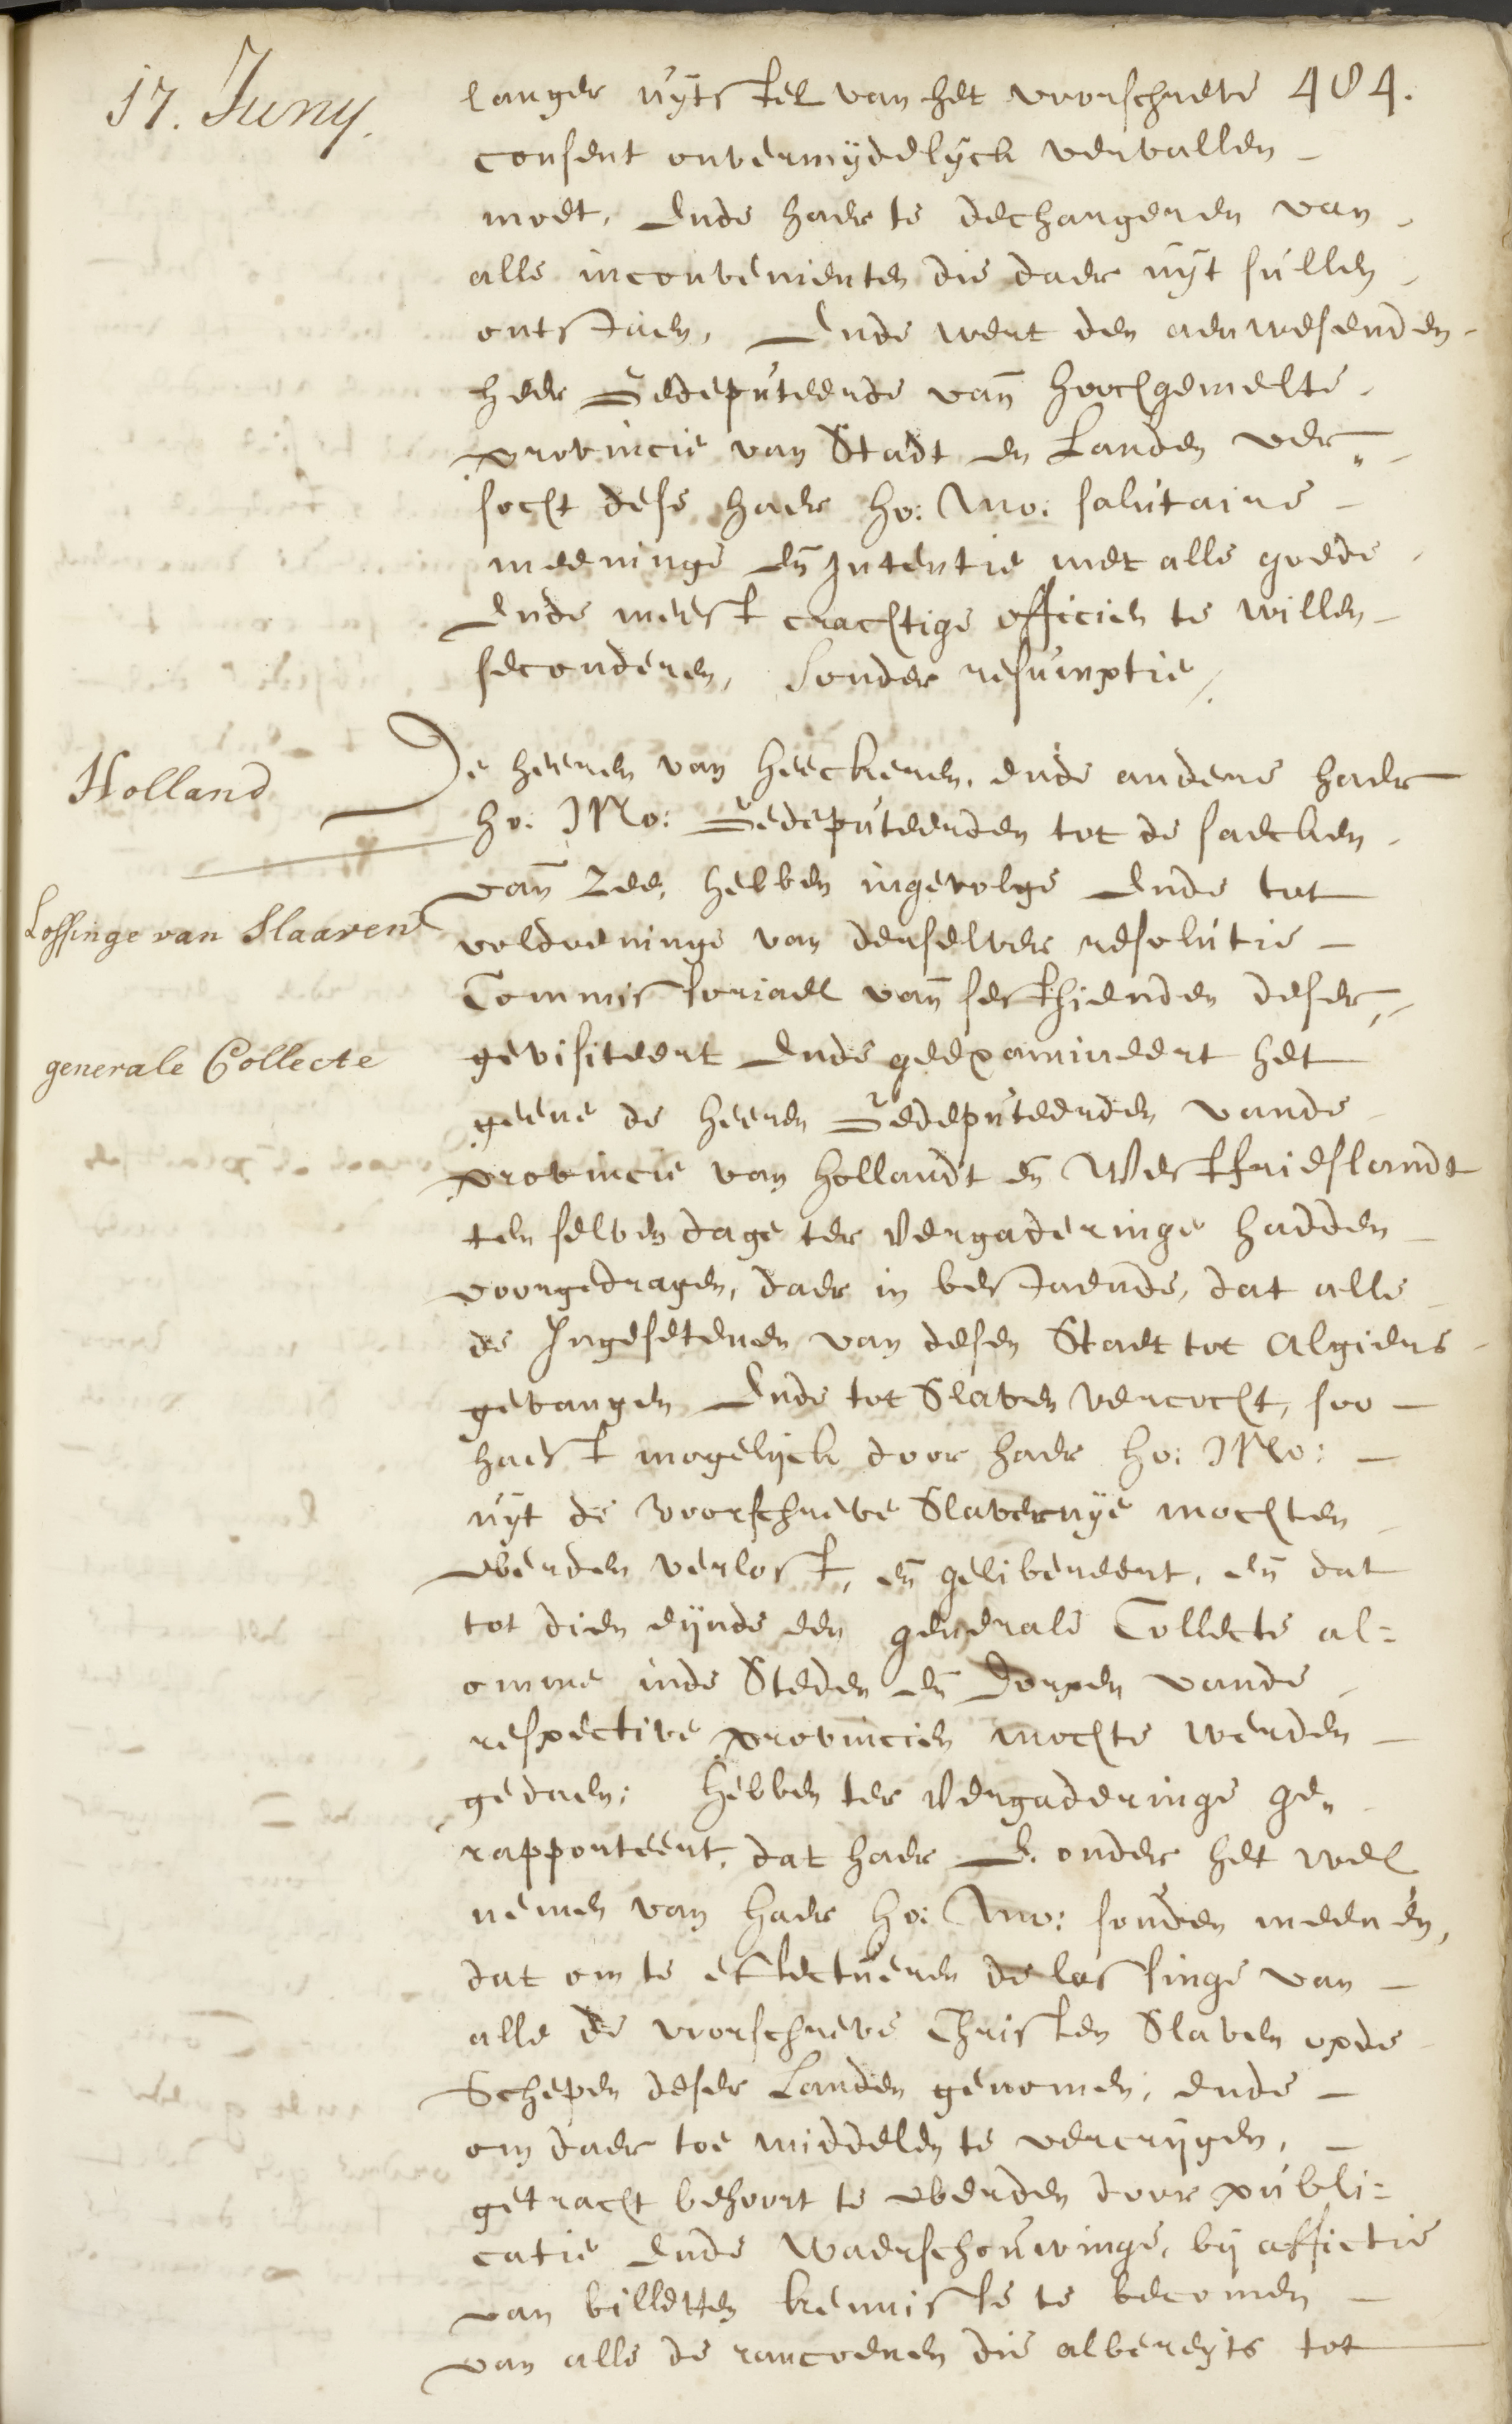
484.
17. Juny.
langer uijtstel van het voorschreve
consent onvermijdelijck vervallen
moet, ende haer te dechargeren van
alle inconvenienten die daer uijt sullen
ontstaen. Ende wert den aenwesenden
heer Gedeputeerde van hoochgemelte
provincie van Stadt en Landen ver„
socht dese haer ho:Mo: salutaire
meeninge en intentie met alle goede
ende meest crachtige officien te willen
seconderen, sonder resumptie.
Holland
Lossinge van Slaaven
generale Collecte
De heeren van heeckeren, ende andere haer
ho:Mo: Gedeputeerden tot de saecken
van Zee, hebben ingevolge ende tot
voldoeninge van derselver resolutie
Commissoriael van sesthienden deser,
gevisiteert Ende geexamineert het
geene de heeren Gedeputeerden vande
provincie van hollandt en Westfrieslandt
ten selven dage ter Vergaderinge hadden
voorgedragen, daer in bestaende, dat alle
de Ingesetenen van desen Staet tot Algiers
gevangen Ende tot Slaven vercocht, soo -
haest mogelijck door haer ho:Mo: —
uijt de voorschreve Slavernije mochten
werden verlost, en gelibereert, en dat
tot dien eijnde een generale Collecte al=
omme inde Steden en Dorpen vande
respective provincien mochte werden
gedaen; hebben ter Vergaderinge ge„
rapporteert, dat haer E. onder het wel
nemen van haer ho:Mo: souden meenen,
dat om te effectueren de lossinge van
alle de voorschreve Christen Slaven opde
schepen deser Landen genomen; ende
om daer toe middelen te vercrijgen,
getracht behoort te werden door publi=
catie ende waerschouwinge, bij affictie
van billetten kennisse te becomen
van alle de rancoenen die albereijts tot
